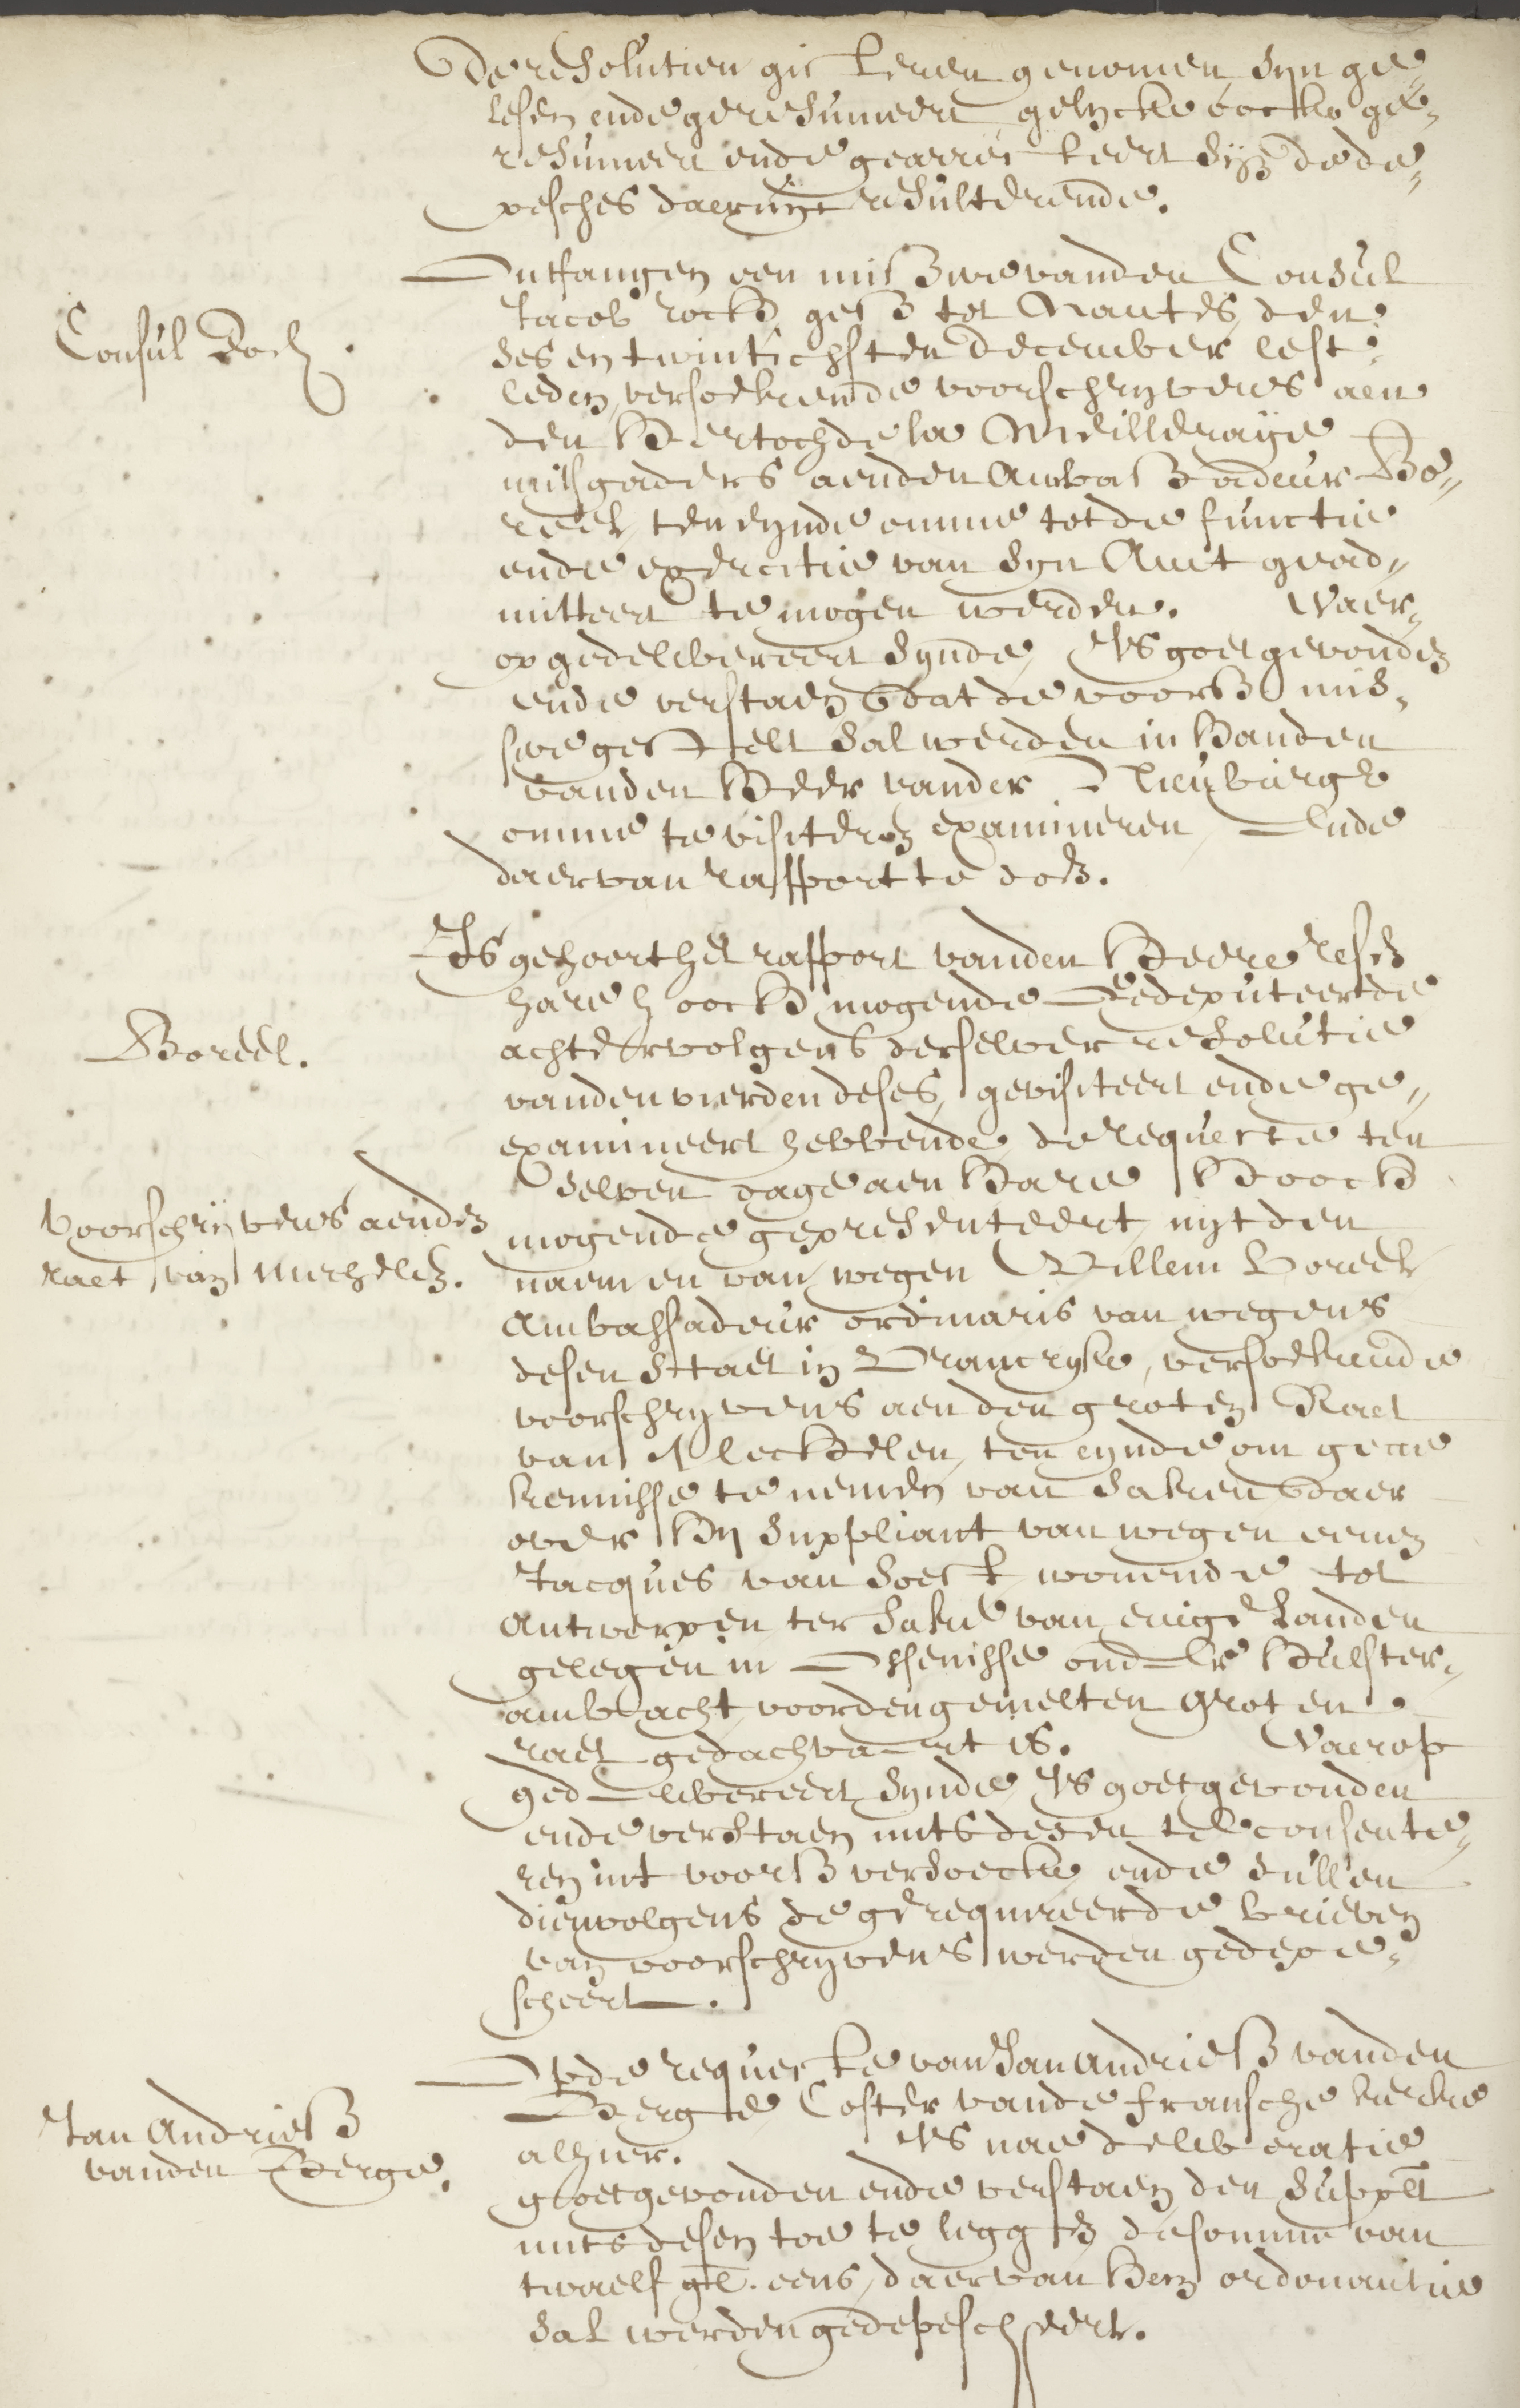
de resolutien gisteren genomen sijn ge„
lesen ende geresumeert, gelijck oock ge„
resumeert ende gearresteert sijnde de„
pesches daeruijt resulterende.
Consul Roch.
Ontfangen een missive vanden Consul
Jacob Roch ges tot nantes den
sesentwintichsten december lest„
leden, versoekende voorschrijvens aen
den Hertoch de la Meilleraije
mitgaders aenden Ambassadeur Bo,,
reel teneijnde omme tot de functie
ende exercitie van sijn Amt gead„
mitteert te mogen werden. Waer„
op gedelibereert sijnde, is goetgevonden
ende verstaen dat de voors mis„
sive gestelt sal werden in handen
vanden Heer vander Neuburgh
omme te visiteren examineren ende
daervan rasport te doen.
Boreel.
voorschrijvens aenden
raet van mechelen,
Is gehoort het rapport vanden Heere Resen
hare hooch mogende Gedeputeertde
achtdervolgens derselver resolutie
vanden vierden deses, gevisiteert ende ge„
examineert hebbende de requeste ten
selven dage aen hare Hooch
mogende gepresenteert, uijt den
naem en van wegen Willam Boreel
Ambassadeur ordinaris van wegens
desen Staet in Vrancrijk, versoekende
voorschrijvens aen den groten Raet
van Mechelen, ten eijnde om gene
kennisse te nemen van Saken daer
over hij suppliant van wegen eene
Jacques van Soest wonende tot
Antwerpen ter sake van enige landen
gelegen in Ossenisse onder Hulster„
ambacht voorden gemelten groten
raet gedachvaert is. Waerop
gedelibereert sijnde, is goetgevonden
ende verstaen mits desen te consente„
ren int voors versoeck ende sullen
dienvolgens de gerequireerde brieven
van voorschrijvens werden gedepe„
scheert.
Jan Andriesz
vanden Berge
Opde requeste van Jan Andriesz vanden
Berge Coster vande fransche kerke
alhier. is nae deliberatie
goetgevonden ende verstaen den Supplt
mits desen toe te leggen de somme van
twaelf gl. eens, daervan hem ordonantie
sal werden gedepescheert.
